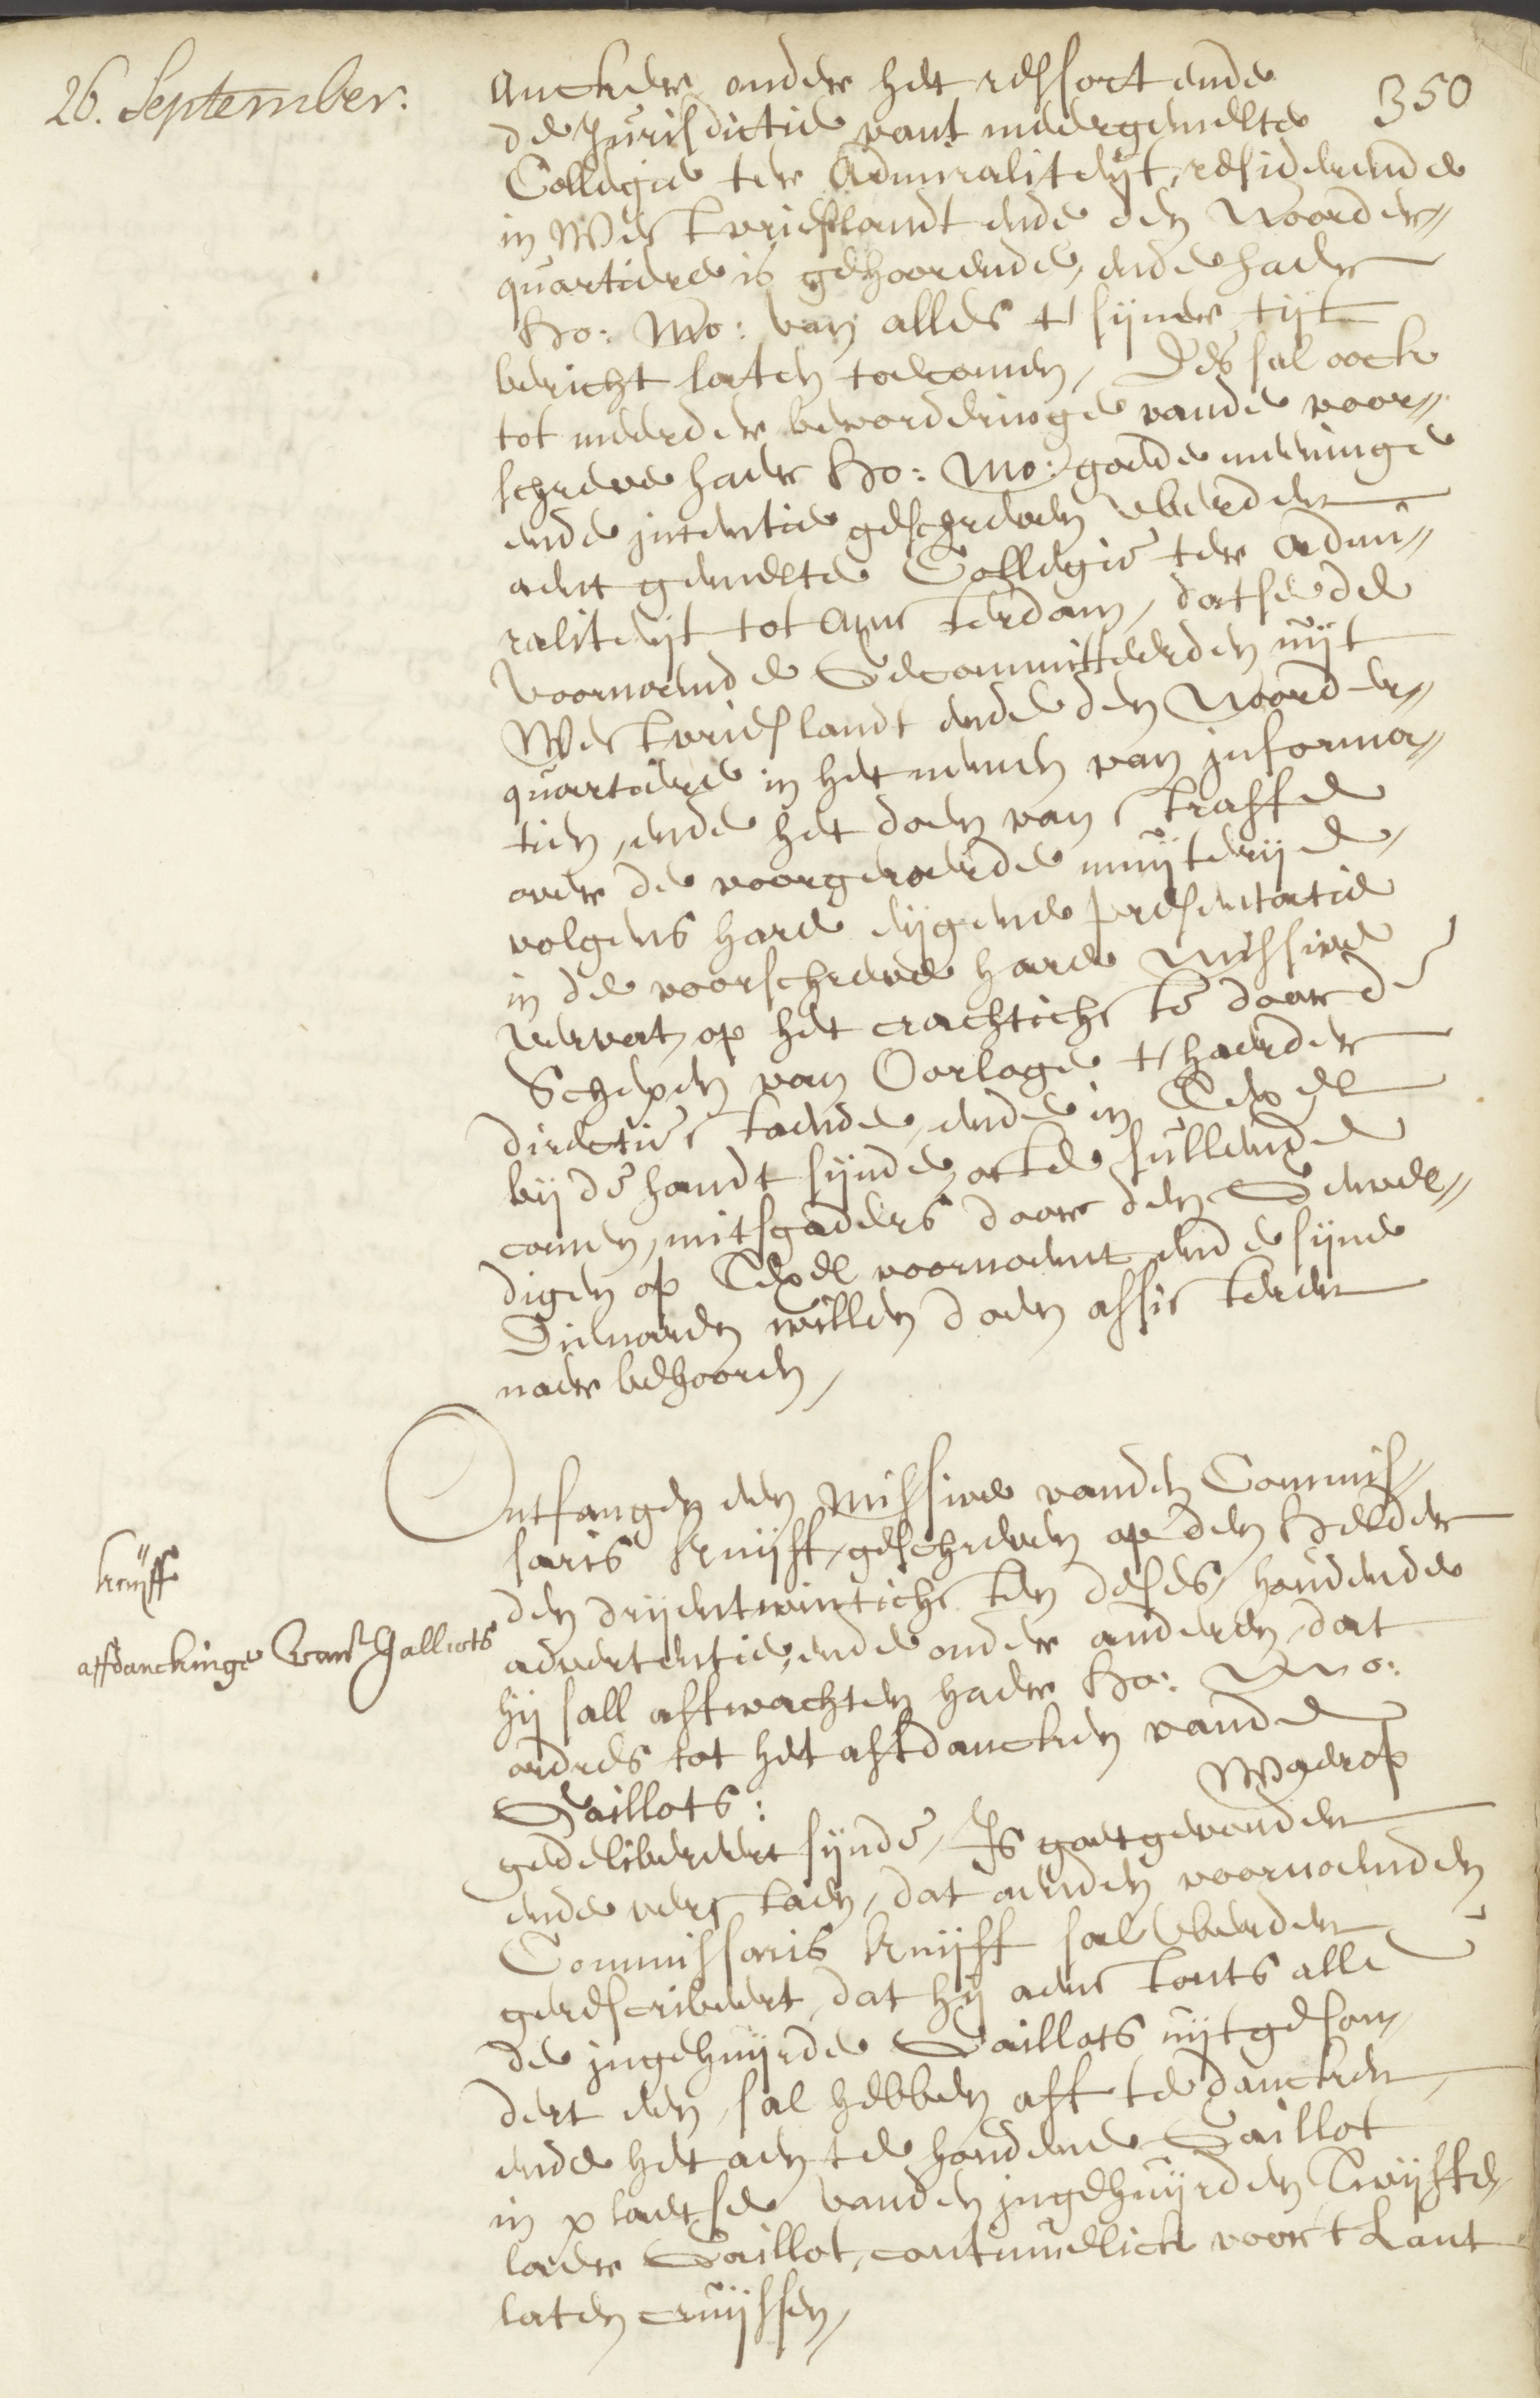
26. September.
kruijff
affdanckinge van Galliots
Ancker onder het ressort ende
de Jurisdictie vant meergemelten
Collegie ter Admiraliteijt, residerende
in Westvrieslandt ende den Noorder„
quartiere is gehoorende, ende haer
Ho:Mo: van alles t' sijner tijt
bericht laten toecomen. Des sal oock
tot meerder bevordernoge vande voor,,
schreve haer Ho:Mo: goede meeninge
ende intentie geschreven werden
aent gemelte Collegie ter Admi,,
raliteijt tot Amsterdam, datse de
voornoemde Gecommitteerden uijt
Westvrieslandt ende den Noorder„,
quartiere in het nemen van informa,
tien, ende het doen van straffe
over de voorgeroerde muijterije,
volgens hare eijgene presentatie
in de voorschreve hare Missive
vervat, op het crachtichste door de
Schepen van Oorloge t'haerder
directie staende, ende in Texel
bij de handt sijnde, ofte sullende
comen, mitsgaders door den Gewel„
digen op Texel voornoemt ende sijne
Dienaren willen doen assisteren
naer behooren.
Ontfangen een missive vanden Commis,,
saris Kruijff, geschreven op den Helder
den drijentwintichsten deses, houdende
advertentie, ende onder anderen, dat
hij sall affwachten haer Ho:Mo:
ordres tot het affdancken vande
Gaillots: Waerop
gedelibereert sijnde, Is goetgevonden
ende verstaen, dat aenden voornoemden
Commissaris Kuijff sal werden
gerescribeert dat hij aenstonts alle
de ingehuijrde Gaillots uijtgeson„
dert een sal hebben aff te dancten
ende het aen te houdene Gaillot
in plaetse vanden ingehuijrden Twijffe,,
laer Gaillot, continuelick voor't Lant
laten cruijssen.
